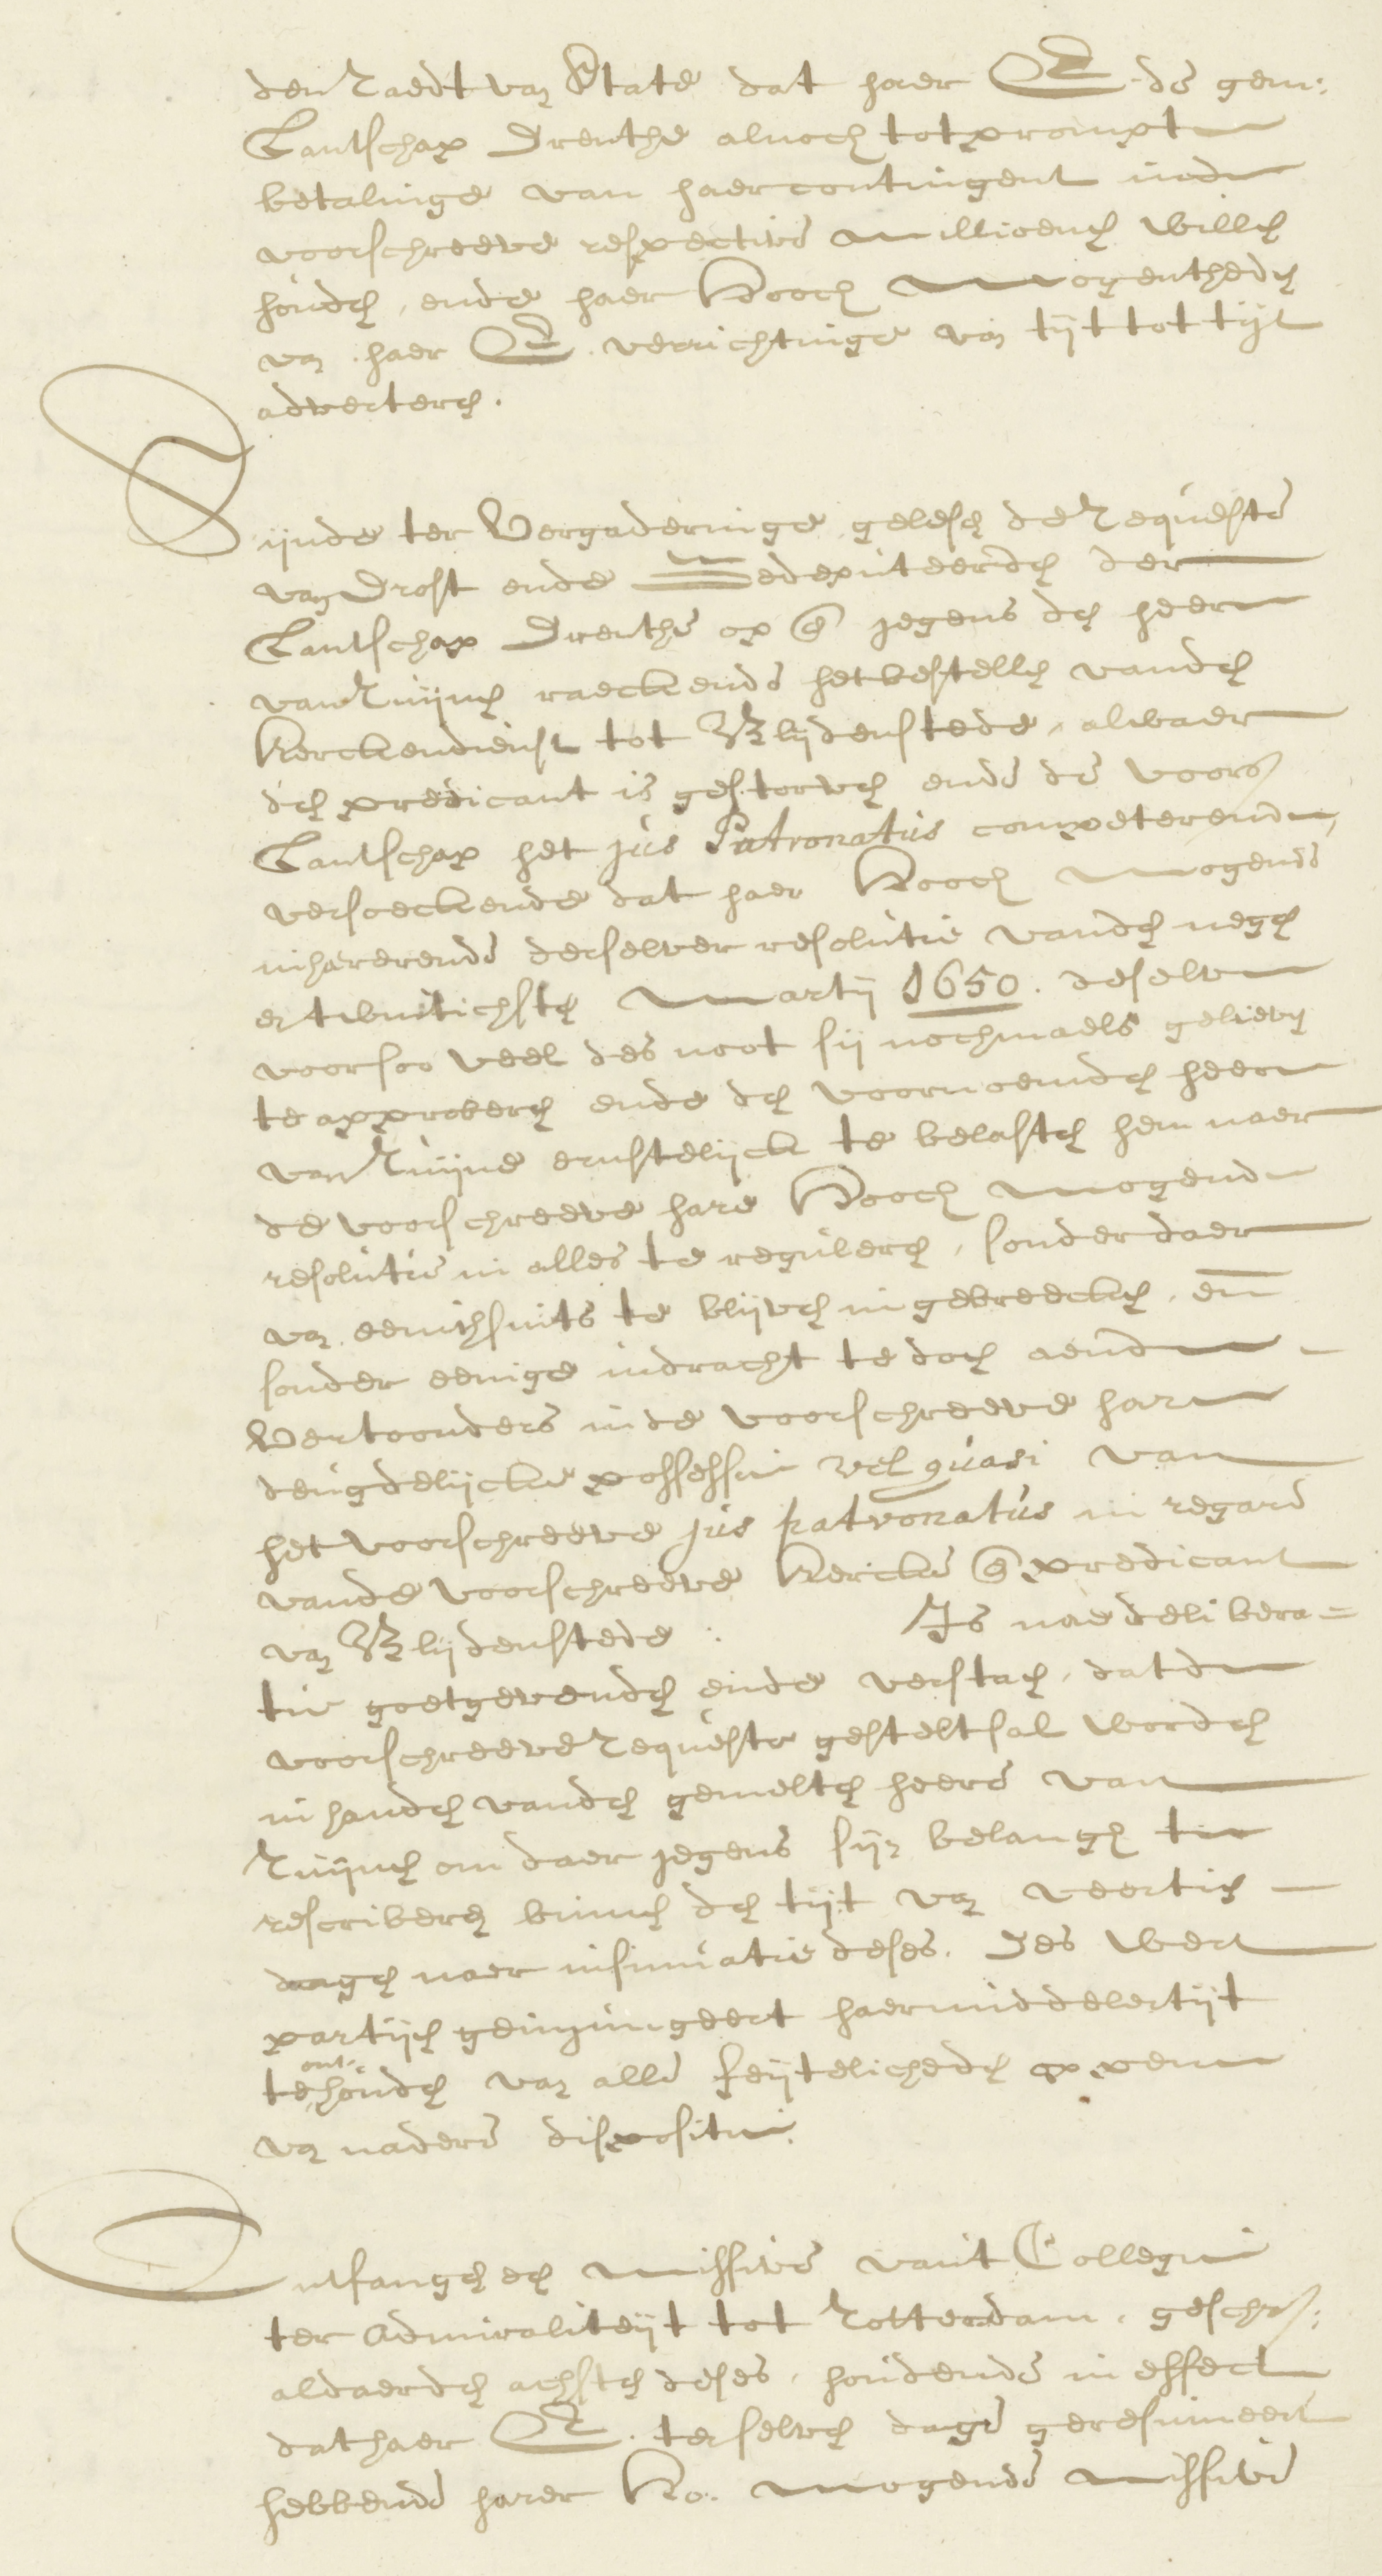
den Raedt van State dat haer E. de gem:
Lantschap Drenthe alnoch tot prompte
betalinge van haer contingent inde
voorschreeve respective millioenen willen
houden, ende haer Hooch Mogentheden
van haer E. verrichtinge van tijt tot tijt
adverteren.
Sijnde ter Vergaderinge gelesen de Requeste
van Drost ende Gedeputeerden der
Lantschap Drenthe op & jegens den heer
van Ruijnen raeckende het bestellen vanden
Kerckendienst tot Blijdenstede, alwaer
den predicant is gestorven ende de voors
Lantschap het jus Patronatus competerende,
versoeckende dat haer Hooch Mogende
inhererende derselver resolutie vanden negen
entwintichsten Martij 1650. deselve
voor soo veel des noot sij nochmaels gelieven
te approberen ende den voornoemden heer
van Ruijne ernstelijck te belasten hem naer
de voorschreeve hare Hooch Mogende
resolutie in alles te reguleren, sonder daer
van eenichsints te blijven in gebreecken en
sonder eenige indracht te doen aende
Vertoonders inde voorschreeve hare
deugdelijcke possessie vel quasi van
het voorschreeve jus patronatus in regard
vande voorschreeve kercke & predicant
van Blijdenstede: Is nae delibera=
tie goetgevonden ende verstaen, dat de
voorschreeve requeste gestelt sal worden
in handen vanden gemelten heere van
Ruijnen om daer jegens sijn belangh te
rescriberen binnen den tijt van veertien
dagen naer insinuatie deses. Des wert
partijen geinjungeert haer middelertijt
te onthouden van alle feijtelicheden op pene
van nadere dispositie.
Onfangen de missive van‛t Collegie
ter Admiraliteijt tot Rotterdam, geschr:
aldaer den achsten deses, houdende in effect
dat haer E. terselven dage geresumeert
hebbende harer Ho:Mogende Missive
